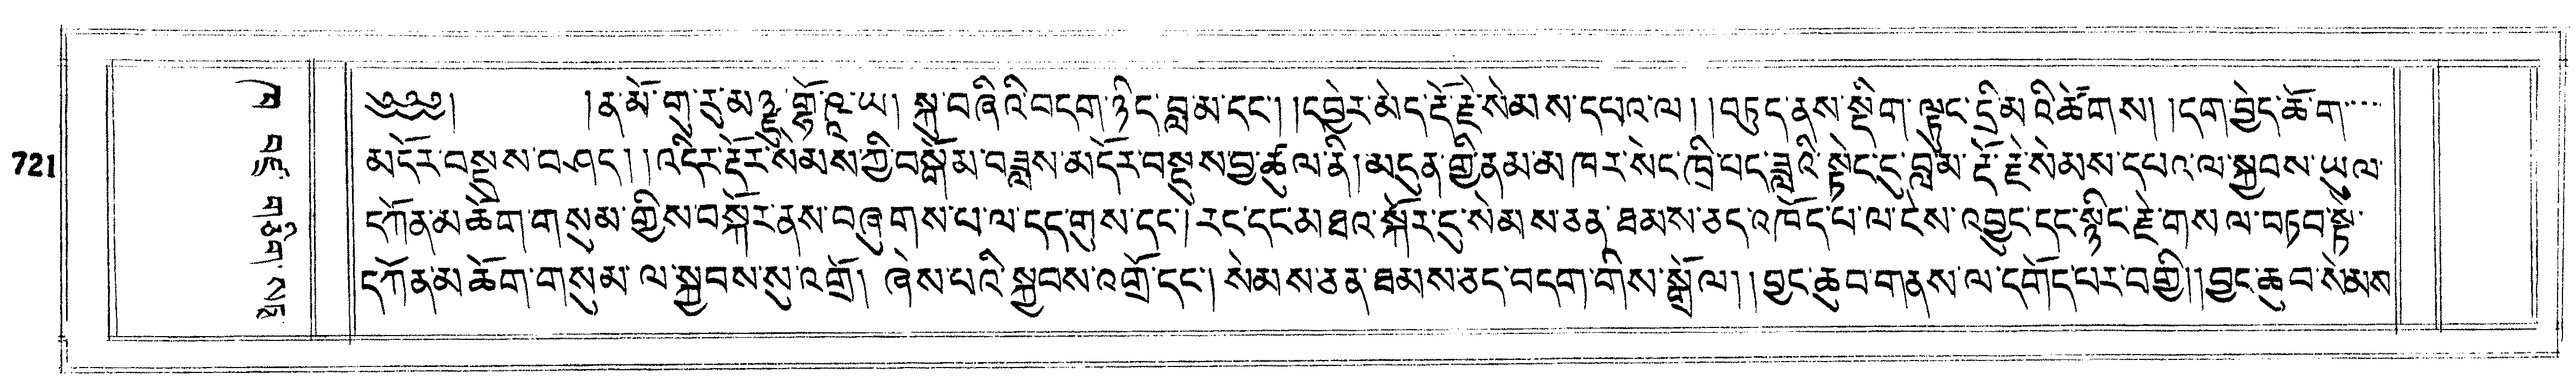༄༅༅། །ན་མོ་གུ་རུ་མཉྫུ་གྷོ་ཥཱ་ཡ། སྐུ་བཞིའི་བདག་ཉིད་བླ་མ་དང་། །དབྱེར་མེད་རྡོ་རྗེ་སེམས་དཔའ་ལ། །བཏུད་ནས་སྡིག་ལྟུང་དྲི་མའི་ཚོགས། །དག་བྱེད་ཆོ་ག་
མདོར་བསྡུས་བཤད། །འདིར་རྡོར་སེམས་ཀྱི་བསྒོམ་བཟླས་མདོར་བསྡུས་བྱ་ཚུལ་ནི། མདུན་གྱི་ནམ་མཁར་སེང་ཁྲི་པད་ཟླའི་སྟེང་དུ་བླ་མ་རྡོ་རྗེ་སེམས་དཔའ་ལ་སྐྱབས་ཡུལ་
དཀོན་མཆོག་གསུམ་གྱིས་བསྐོར་ནས་བཞུགས་པ་ལ་དད་གུས་དང་། རང་དང་མཐའ་སྐོར་དུ་སེམས་ཅན་ཐམས་ཅད་འཁོད་པ་ལ་ངེས་འབྱུང་དང་སྙིང་རྗེ་གསལ་བཏབ་སྟེ་
དཀོན་མཆོག་གསུམ་ལ་སྐྱབས་སུ་འགྲོ། ཞེས་པའི་སྐྱབས་འགྲོ་དང་། སེམས་ཅན་ཐམས་ཅད་བདག་གིས་སྒྲོལ། །བྱང་ཆུབ་གནས་ལ་དགོད་པར་བགྱི། །བྱང་ཆུབ་སེམས་